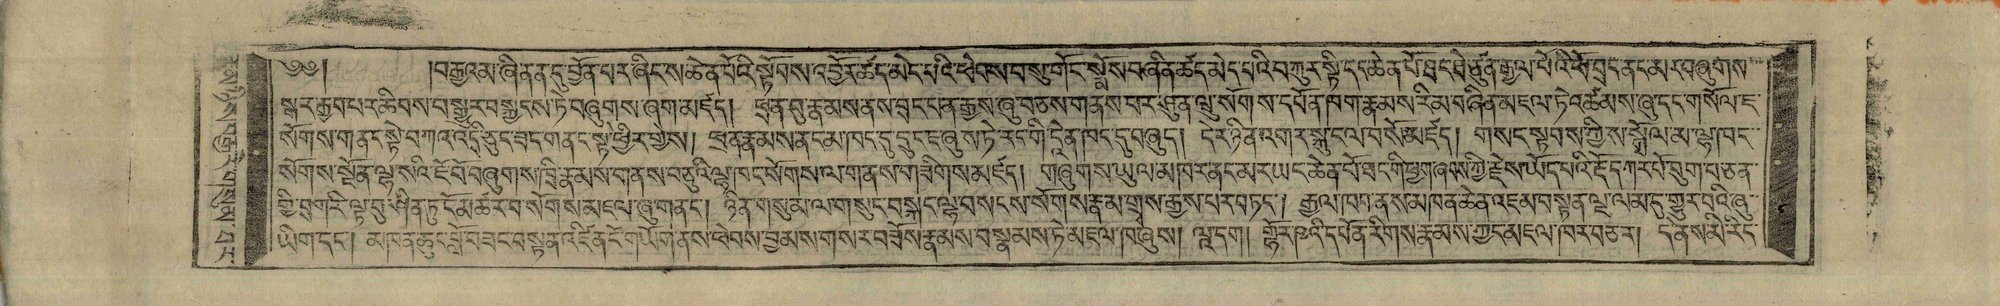༄༅། །བརྒྱའམ་ཞི་ནན་དུ་བྱོན་པར་ཞིང་ས་ཆེན་པོའི་སྟོབས་འབྱོར་ཚད་མེད་པའི་ཕེབས་བསུ་གོང་སྨོས་བཞིན་ཚད་མེད་པའི་བཀུར་སྟི་དང་ཆེན་པོ་ཐང་ཐེ་ཙུན་རྒྱལ་པོའི་ཕོ་བྲང་ནང་མར་བཞུགས་
སྒར་རྒྱབ་པར་ཆིབས་བསྒྱུར་བསྐྱངས་ཏེ་བཞུགས་ཞག་མཛད། ཕྲན་བུ་རྣམས་ནས་བྲང་པན་རྒྱས་ཞུ་བཅས་གནས་པར་ཤུན་ཝུ་སོགས་དཔོན་ཁག་རྣམས་རིམ་བཞིན་མཇལ་ཏེ་འཚམས་ཞུ་དང་གསོལ་ཇ་
སོགས་གནང་སྟེ་བཀའ་འདྲི་ཅུང་ཟད་གནང་སྟེ་ཕྱིར་གྱེས། ཕྲན་རྣམས་ནང་མ་ཁང་དུ་དྲུང་ཇ་ཞུས་ཏེ་རང་གི་དEན་ཁང་དུ་བཞུད། དེར་ཉིན་འགར་སྐུ་ངལ་བསོ་མཛད། གསང་སྟབས་ཀྱིས་སྒྲོལ་མ་ལྷ་ཁང་
སོགས་སྔོན་ལྷ་སའི་ཇོ་བོ་བཞུགས་ཁྲི་རྣམས་གནས་བཅུའི་ལྷ་ཁང་སོགས་ལ་གནས་གཟིགས་མཛད། གཞུགས་ཡུལ་མཁར་ནང་མར་ཡང་ཆེན་པོ་ཐང་གི་ཕྱག་ཞབས་ཀྱི་རྗེས་ཡོད་པའི་རྡོ་དཀར་པོ་བུག་པ་ཅན་
གྱི་བྲག་རི་ལྟ་བུ་ཤིན་ཏུ་ངོ་མཚར་བ་སོགས་མཇལ་ཞུ་གནང་། ཉིན་གསུམ་ལ་གསུང་བསྐང་ལྷ་བསངས་སོགས་རྣམ་གྲྭས་རྒྱས་པར་བཏང་། རྒྱལ་ཁབ་ནས་མཁན་ཆེན་འཇམ་བསྟན་ལྔ་ལམ་དུ་གྱུར་བའི་ཞུ་
ཡིག་དང་། མཁན་ཆུང་བློ་བཟང་བསྟན་འཛིན་ངོ་གཡོག་ནས་ཕེབས་བྱམས་གསར་བཟོས་རྣམས་བསྣམས་ཏེ་མཇལ་ཁ་ཞུས། ལཱ་དག །གྷོར་ཥའི་དཔོན་རིགས་རྣམས་ཀྱང་མཇལ་ཁར་བཅར། དེ་ནས་མི་རིང་